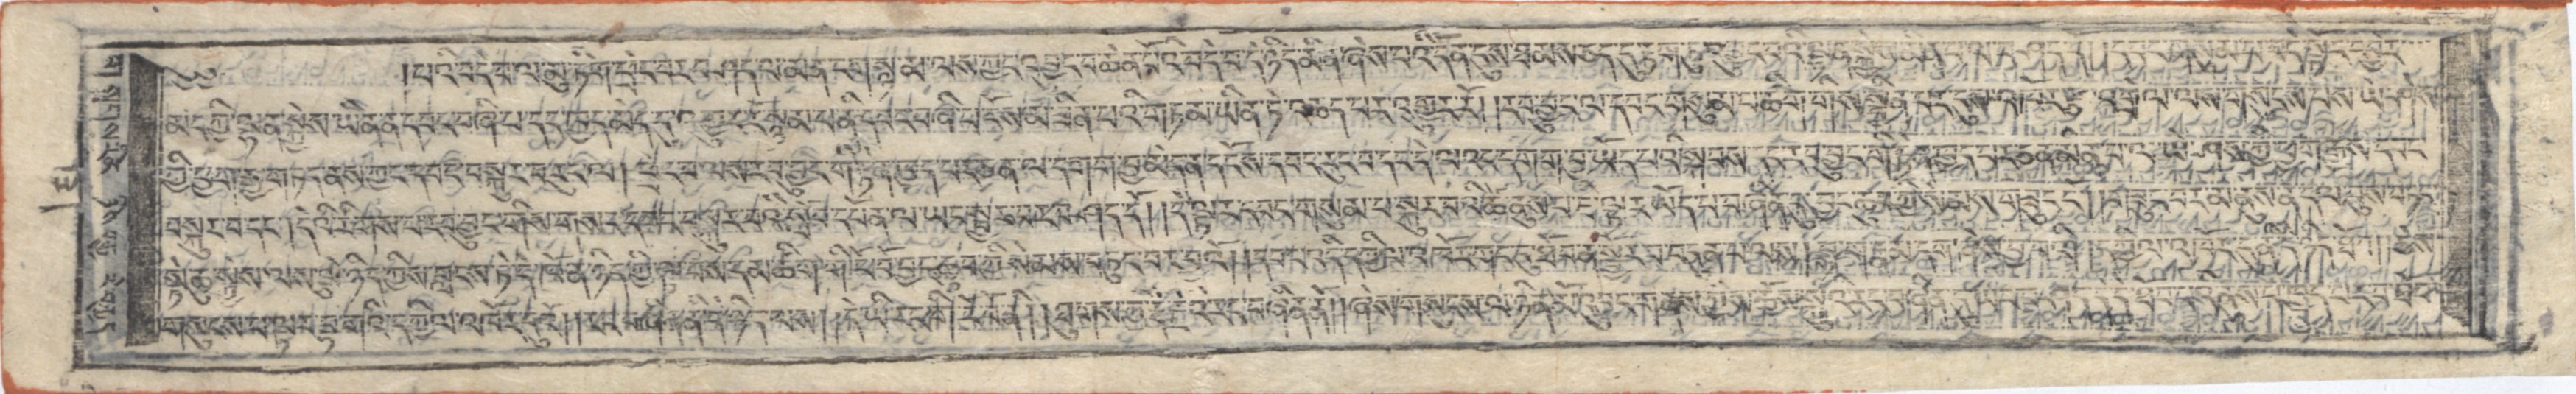༄༅། །པའི་བདེ་བ་ལ་མུ་ཏིག་ཕྲེང་བར་བཤད་ལ་མན་ངག་སྙམ་ལས་ཀྱང་འབྱུང་བ་ཆེན་པོའི་བདེ་བ་དེ་ཉིད་མིན་ཞེས་པའི་དོན་དུས་ཐམས་ཅད་དུ་རྟག་ཏུ་འབྱུང་བའི་ལྷན་སྐྱེས་མིན་པ་ལ་བཤད་དོ། །དབང་གསུམ་པ་བདེ་སྟོང་དབྱེར་
མེད་ཀྱི་ལྷན་སྐྱེས་ཡིན་ན་དབང་བཞི་པ་དང་ཁྱད་མེད་དུ་འགྱུར་རོ་སྙམ་པ་ནི་དབང་བཞི་པ་ངོས་མ་ཟིན་པའི་གཏམ་ཡིན་ཏེ་འཆད་པར་འགྱུར་རོ། །རབ་བྱུང་ལ་དབང་གསུམ་པ་ཚིག་གིས་སྦྱིན་པར་དུས་འཁོར་རྩ་འགྲེལ་ལས་གསུངས་པས་ཡེ་ཤེས་
ཀྱི་ཕྱག་རྒྱ་གཏད་ནས་ཀྱང་དབང་བསྐུར་བ་རུང་ལ། ཕྲེང་བ་ལས་རབ་བྱུང་གི་རྟེན་ཁྱད་པར་ཅན་ལ་དགག་བྱ་མེད་ན་དངོས་དབང་རུང་བ་དང་དེ་ལའང་དགག་བྱ་ཡོད་པའི་སྐབས་དང་རབ་བྱུང་གི་རྟེན་ཁྱད་པར་ཅན་མིན་པ་ལ་ཡེ་ཤེས་ཀྱི་ཕྱག་རྒྱས་དབང་
བསྐུར་བ་དང་། དེའི་རིགས་པ་རབ་བྱུང་གིས་གསང་དབང་བསྐུར་བའི་སློབ་དཔོན་ལ་ཡང་སྦྱར་བར་བཤད་དོ། །དེ་ལྟར་དབང་གསུམ་པ་སྐུར་བའི་ཚེ་ནུས་པ་ཇི་ལྟར་ཡོད་པ་བཞིན་དུ་བྱང་ཆུབ་ཀྱི་སེམས་གཟུང་ངོ། །གཟུང་བར་མ་ནུས་ན་དལ་བུས་བཏང་
སྟེ་ཆུ་སྐྱེས་ལས་ལྕེ་ཉིད་ཀྱིས་བླངས་ཏེ་དེ་ཁོ་ན་ཉིད་ཀྱི་ལྟ་བས་དམ་ཚིག་གི་ངོ་བོ་བྱང་ཆུབ་ཀྱི་སེམས་བཏུང་བར་བྱའོ། །དབང་འདི་དཀྱིལ་འཁོར་གང་དུ་ཐོབ་ན་སྦྱོར་བ་བདུན་པ་ལས། བྷ་ག་རྣམ་དག་ཞེས་བྱ་བའི། །དཀྱིལ་འཁོར་དུ་ནི་དེ་ཉིད་ཐོབ། །ཅེས་
གསུངས་པ་ལྟར་བྷ་གའི་དཀྱིལ་འཁོར་དུའོ། །རང་བཞིན་ནི་དེ་ཉིད་ལས། །དེ་ཡི་རང་གི་ངོ་བོ་ནི། །ཐུགས་ཀྱི་རྡོ་རྗེའི་རང་བཞིན་ནོ། །ཞེས་གསུངས་ལ་ཉིན་མོ་འབྱུང་གནས་ཀྱིས་ཆོས་སྐུའི་རང་བཞིན་དུ་ཡང་བཤད་དེ་དེ་ཐོབ་པའི་ནུས་པ་ཁྱད་པར་བ་ཐོབ་